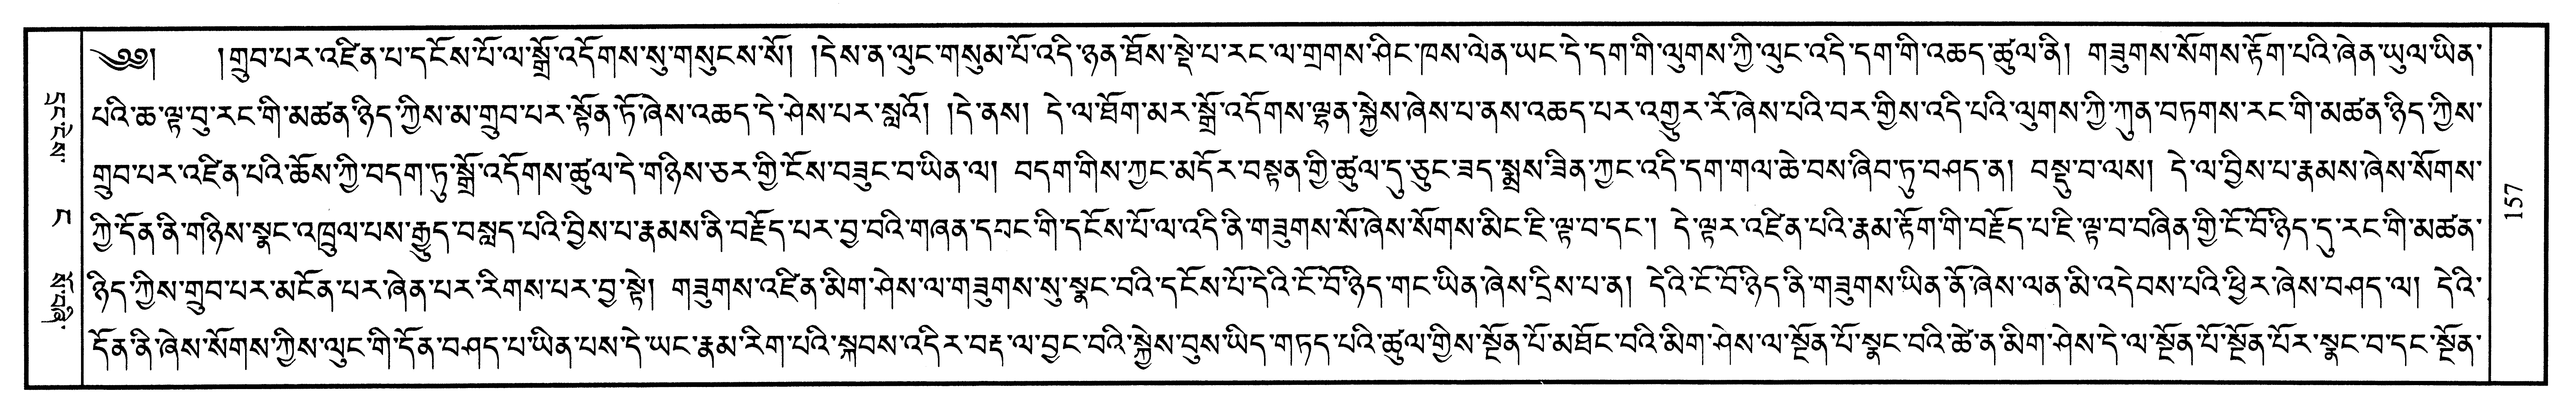༄༅། །གྲུབ་པར་འཛིན་པ་དངོས་པོ་ལ་སྒྲོ་འདོགས་སུ་གསུངས་སོ། །དེས་ན་ལུང་གསུམ་པོ་འདི་ཉན་ཐོས་སྡེ་པ་རང་ལ་གྲགས་ཤིང་ཁས་ལེན་ཡང་དེ་དག་གི་ལུགས་ཀྱི་ལུང་འདི་དག་གི་འཆད་ཚུལ་ནི། གཟུགས་སོགས་རྟོག་པའི་ཞེན་ཡུལ་ཡིན་
པའི་ཆ་ལྟ་བུ་རང་གི་མཚན་ཉིད་ཀྱིས་མ་གྲུབ་པར་སྟོན་ཏོ་ཞེས་འཆད་དེ་ཤེས་པར་སླའོ། །དེ་ནས། དེ་ལ་ཐོག་མར་སྒྲོ་འདོགས་ལྷན་སྐྱེས་ཞེས་པ་ནས་འཆད་པར་འགྱུར་རོ་ཞེས་པའི་བར་གྱིས་འདི་པའི་ལུགས་ཀྱི་ཀུན་བཏགས་རང་གི་མཚན་ཉིད་ཀྱིས་
གྲུབ་པར་འཛིན་པའི་ཆོས་ཀྱི་བདག་ཏུ་སྒྲོ་འདོགས་ཚུལ་དེ་གཉིས་ཅར་གྱི་ངོས་བཟུང་བ་ཡིན་ལ། བདག་གིས་ཀྱང་མདོར་བསྟན་གྱི་ཚུལ་དུ་ཅུང་ཟད་སྨྲས་ཟིན་ཀྱང་འི་དག་གལ་ཆེ་བས་ཞིབ་ཏུ་བཤད་ན། བསྡུ་བ་ལས། དེ་ལ་བྱིས་པ་རྣམས་ཞེས་སོགས་
ཀྱི་དོན་ནི་གཉིས་སྣང་འཁྲུལ་པས་རྒྱུད་བསླད་པའི་བྱིས་པ་རྣམས་ནི་བརྗོད་པར་བྱ་བའི་གཞན་དབང་གི་དངོས་པོ་ལ་འདི་ནི་གཟུགས་སོ་ཞེས་སོགས་མིང་ཇི་ལྟ་བ་དང་། དེ་ལྟར་འཛིན་པའི་རྣམ་རྟོག་གི་བརྗོད་པ་ཇི་ལྟ་བ་བཞིན་གྱི་ངོ་བོ་ཉིད་དུ་རང་གི་མཚན་
ཉིད་ཀྱིས་གྲུབ་པར་མངོན་པར་ཞེན་པར་རིགས་པར་བྱ་སྟེ། གཟུགས་འཛིན་མིག་ཤེས་ལ་གཟུགས་སུ་སྣང་བའི་དངོས་པོ་དེའི་ངོ་བོ་ཉིད་གང་ཡིན་ཞེས་དྲིས་པ་ན། དེའི་ངོ་བོ་ཉིད་ནི་གཟུགས་ཡིན་ནོ་ཞེས་ལན་མི་འདེབས་པའི་ཕྱིར་ཞེས་བཤད་ལ། དེའི་
དོན་ནི་ཞེས་སོགས་ཀྱིས་ལུང་གི་དོན་བཤད་པ་ཡིན་པས་དེ་ཡང་རྣམ་རིག་པའི་སྐབས་འདིར་བརྡ་ལ་བྱང་བའི་སྐྱེས་བུས་ཡིད་གཏད་པའི་ཚུལ་གྱིས་སྔོན་པོ་མཐོང་བའི་མིག་ཤེས་ལ་སྔོན་པོ་སྣང་བའི་ཚེ་ན་མིག་ཤེས་དེ་ལ་སྔོན་པོ་སྔོན་པོར་སྣང་བ་དང་སྔོན་